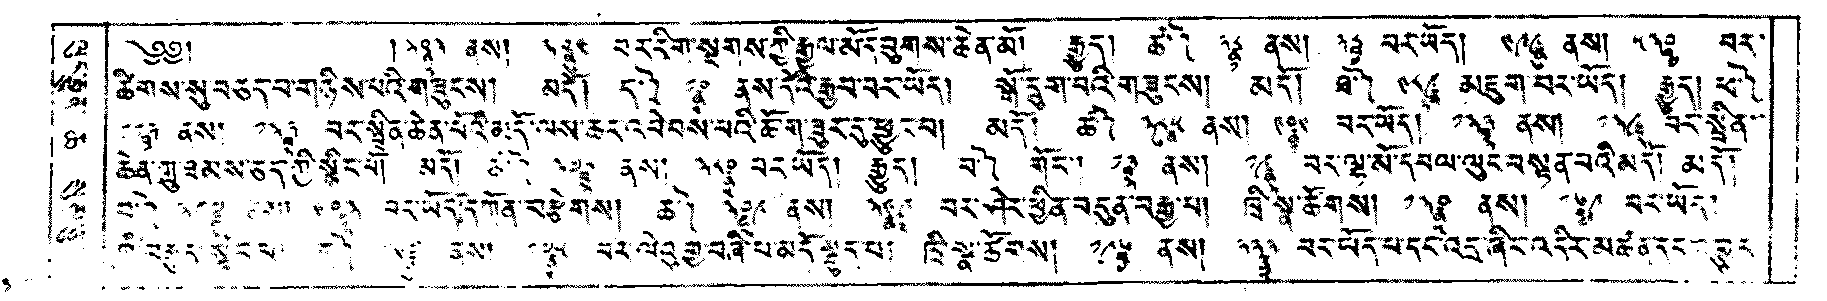༄༅། །༣༠༣་ན ༥་ནས། ༣༠༤་ན ༦་བར་རིགས་སྔགས་ཀྱི་རྒྱལ་མོ་དབུགས་ཆེན་མོ། རྒྱུད། ཚ྄ ༢༨་ན ༡་ནས ༢༨་བ ༧་བར་ཡོད། ༤༩༩་ན ༦་ནས། ༥༣༠་བ ༧་བར་
ཚིགས་སུ་བཅད་པ་གཉིས་པའི་གཟུངས། མདོ། ད྄ ༡༠་ན ༤་ནས་དེའི་རྒྱབ་བར་ཡོད། སྒོ་དྲུག་པའི་གཟུངས། མདོ། ཐ྄ ༤༨༩་ན ༢་མཇུག་བར་ཡོད། རྒྱུད། ཕ྄
༡༡༢་བ ༡་ནས། ༡༣༢་བ ༢་བར་སྤྲིན་ཆེན་པོའི་མདོ་ལས་ཆར་འབེབས་པའི་ཆོ་ག་ཟུར་དུ་ཕྱུང་བ། མདོ། ཚ྄ ༣༨༥་ན ༦་ནས། ༤༠༤་ན ༡་བར་ཡོད། ༡༣༢་བ ༣་ནས། ༡༣༩་བ ༣་བར་སྤྲིན་
ཆེན་ཀླུ་ཐམས་ཅད་ཀྱི་སྙིང་པོ། མདོ། ཚ྄ ༣༧༨་བ ༣་ནས། ༣༨༠་ན ༥་བར་ཡོད། རྒྱུད། བ྄་གོང་། ༡༢་བ ༣་ནས། ༡༩་ན ༣་བར་ལྷ་མོ་དཔལ་ལུང་བསྟན་པའི་མདོ། མདོ།
བ྄ ༣༩༧་ན ༢་ནས། ༤༠༣་བ ༣་བར་ཡོད། དཀོན་བརྩེགས། ཆ྄ ༣༠༩་ན ༣་ནས། ༣༤༩་ན ༤་བར་ཤེར་ཕྱིན་བདུན་བརྒྱ་པ། ཁྲི་སྣ་ཚོགས། ༡༣༠་ན ༥་ནས། ༡༦༩་བ ༧་བར་ཡོད།
ཁྲི་བརྒྱད་སྟོང་པ། ག྄ ༡༤༧་ན ༦་ནས། ༡༧༥་ན ༤་བར་ལེའུ་གྱ་བཞི་པ་མདོ་སྡུད་པ། ཁྲི་སྣ་ཚོགས། ༡༩༦་བ ༧་ནས། ༢༢༢་ན ༥་བར་ཡོད་པ་དང་འདྲ་ཞིང་འདིར་མཚན་དང་འགྱུར་